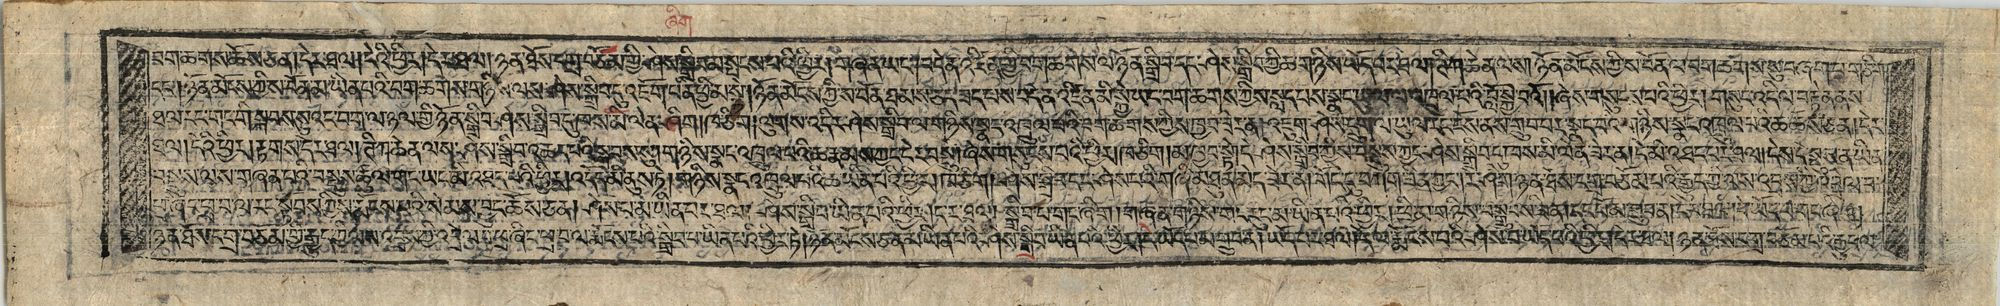བག་ཆགས་ཆོས་ཅན། དེར་ཐལ། དེའི་ཕྱིར། དེར་ཐལ། ཉན་ཐོས་དགྲ་བཅོམ་གྱི་ཤེས་སྒྲིབ་མ་སྤངས་པའི་ཕྱིར། གཞན་ཡང་། བདེན་འཛིན་གྱི་བག་ཆགས་ལ་ཉོན་སྒྲིབ་དང་ཤེས་སྒྲིབ་ཀྱི་ཆ་གཉིས་ཡོད་པར་ཐལ། ཊིཀ་ཆེན་ལས། ཉོན་མོངས་ཀྱི་ས་བོན་ལ་བག་ཆགས་སུ་བཞག་པ་གཅིག་
དང་། ཉོན་མོངས་ཀྱི་ས་བོན་མ་ཡིན་པའི་བག་ཆགས་གཉིས་ལས་ཤེས་སྒྲིབ་དུ་འཇོག་པ་ནི་ཕྱི་མ་སྟེ། ཉོན་མོངས་ཀྱི་ས་བོན་ཐམས་ཅད་ཟད་པས་བདེན་འཛིན་མི་སྐྱེ་ཡང་བག་ཆགས་ཀྱིས་སླད་བས་སྣང་ཡུལ་ལ་འཁྲུལ་པའི་བློ་སྐྱེ་བའོ། །ཞེས་གསུངས་པའི་ཕྱིར། གསུང་འདི་ལ་བརྟེན་ནས་
ཐལ་རང་གང་གི་སྐབས་སུའང་བག་ལ་ཉལ་གྱི་ཉོན་སྒྲིབ་ཤེས་སྒྲིབ་དུ་ཁས་མ་ལེན་ཞིག །ཁ་ཅིག །ལུགས་འདིར་ཤེས་སྒྲིབ་ལ་གཉིས་སྣང་འཁྲུལ་པའི་བག་ཆགས་ཀྱིས་ཁྱབ་ཟེར་ན། འཇུག་ཤེས་དྲུག་ལ་ཡུལ་རང་ངོས་ནས་གྲུབ་པར་སྣང་བའི་གཉིས་སྣང་འཁྲུལ་པའི་ཆ་ཆོས་ཅན། དེར་
ཐལ། དེའི་ཕྱིར། རྟགས་དེར་ཐལ། ཊིཀ་ཆེན་ལས་ཤེས་སྒྲིབ་འཆད་པའི་སྐབས་སུ། གཉིས་སྣང་འཁྲུལ་བའི་ཆ་རྣམས་ཀྱང་དེར་བསྡུ། ཞེས་གསུངས་པའི་ཕྱིར། ཁ་ཅིག །མ་ཁྱབ་སྟེ། དེ་ཤེས་སྒྲིབ་ཀྱིས་བསྡུས་ཀྱང་ཤེས་སྒྲིབ་དུ་ཁས་མི་ལེན་ཟེར་ན། དེ་མི་འཐད་པར་ཐལ། དེས་དེ་སྡུསྣ་ཡིན་
བསྡུས་ལས་གཞན་པའི་བསྡུས་ཚུལ་གང་ཡང་མི་འཐད་པའི་ཕྱིར། འདོད་མི་ནུས་ཏེ། གཉིས་སྣང་འཁྲུལ་པའི་ཆ་ཡིན་པའི་ཕྱིར། ཁ་ཅིག །ཤེས་སྒྲིབ་དང་ཤེས་པའི་གཞི་མཐུན་མེད་ཟེར་ན། གོང་དུ་བཀག་ཟིན་ཀྱང་། རེ་ཤིག་ཉན་ཐོས་དགྲ་བཅོམ་པའི་རྒྱུད་ཀྱི་ལས་འབྲས་ཀྱི་འབྲེལ་བ་
ཕྲ་ཞིང་ཕྲ་བ་ལ་རང་སྟོབས་ཀྱིས་རྨོངས་པའི་སེམས་བྱུང་ཆོས་ཅན། ཤེས་པ་མ་ཡིན་པར་ཐལ། ཤེས་སྒྲིབ་ཡིན་པའི་ཕྱིར། དེ་ར་ཐལ། སྒྲིབ་པ་གང་ཞིག །གཞན་གཉིས་གང་རུང་མ་ཡིན་པའི་ཕྱིར། ཕྱི་མ་གཉིས་བསྒྲུབས་ཟིན། དང་པོ་མ་གྲུབ་ན། དེར་ཐལ། དེ་ཡོད་པ་གང་ཞིག །
ཉན་ཐོས་དགྲ་བཅོམ་གྱི་རྒྱུད་ཀྱི་ལས་འབྲས་ཀྱི་འབྲེལ་བ་ཕྲ་ཞིང་ཕྲ་བ་ལ་རྨོངས་པའི་སྒྲིབ་པ་ཡིན་པའི་ཕྱིར་ཏེ། ཉོན་མོངས་ཅན་མ་ཡིན་པའི་ཤེས་སྒྲིབ་ཡིན་པའི་ཕྱིར། དེ་ཡོད་པ་མ་གྲུབ་ན། ཡོད་བར་ཐལ། དེ་ལ་རྨོངས་པའི་ཤེས་བ་ཡོད་པའི་ཕྱིར། དེར་ཐལ། ཉན་ཐོས་དགྲ་བཅོམ་པའི་རྒྱུད་ལ་